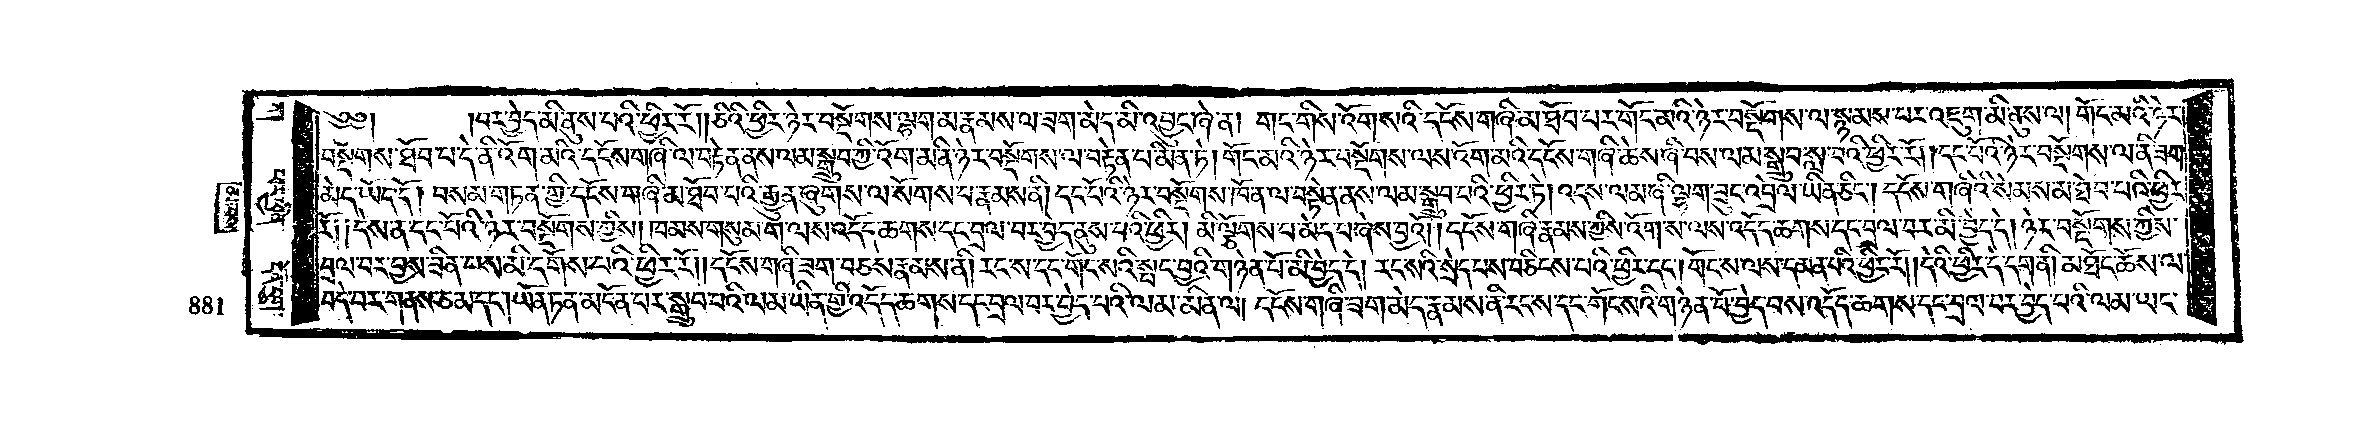༄༅། །པར་བྱེད་མི་ནུས་པའི་ཕྱིར་རོ། །ཅིའི་ཕྱིར་ཉེར་བསྡོགས་ལྷག་མ་རྣམས་ལ་ཟག་མེད་མི་འབྱུང་ཞེ་ན། གང་གིས་འོག་སའི་དངོས་གཞི་མ་ཐོབ་པར་གོང་མའི་ཉེར་བསྡོགས་ལ་སྙོམས་པར་འཇུག་མི་ནུས་ལ། གོང་མའི་ཉེར་
བསྡོགས་ཐོབ་པ་དེ་ནི་འོག་མའི་དངོས་གཞི་ལ་བརྟེན་ནས་ལམ་སྒྲུབ་ཀྱི་འོག་མ་ནི་ཉེར་བསྡོགས་ལ་བརྟེན་པ་མིན་ཏེ། གོང་མའི་ཉེར་བསྡོགས་ལས་འོག་མའི་དངོས་གཞི་ཆེས་ཞི་བས་ལམ་སྒྲུབ་སླ་བའི་ཕྱིར་རོ། །དང་པོའི་ཉེར་བསྡོགས་ལ་ནི་ཟག་
མེད་ཡོད་དོ། བསམ་གཏན་གྱི་དངོས་གཞི་མ་ཐོབ་པའི་རྒྱུན་ཞུགས་ལ་སོགས་པ་རྣམས་ནི། དང་པོའི་ཉེར་བསྡོགས་ཁོ་ན་ལ་བསྟེན་ནས་ལམ་སྒྲུབ་པའི་ཕྱིར་ཏེ། འདས་ལམ་ཞི་ལྷག་ཟུང་འབྲེལ་ཡིན་ཅིང་། དངོས་གཞིའི་སེམས་མ་ཐོབ་པའི་ཕྱིར་
རོ༑ ༑དེས་ན་དང་པོའི་ཉེར་བསྡོགས་ཀྱིས། ཁམས་གསུམ་ག་ལས་འདོད་ཆགས་དང་བྲལ་བར་བྱེད་ནུས་པའི་ཕྱིར། མི་ལྕོགས་པ་མེད་པ་ཞེས་བྱའོ། །དངོས་གཞི་རྣམས་ཀྱིས་འོག་ས་ལས་འདོད་ཆགས་དང་བྲལ་བར་མི་བྱེད་དེ། ཉེར་བསྡོགས་ཀྱིས་
བྲལ་བར་བྱས་ཟིན་པས་མི་དགོས་པའི་ཕྱིར་རོ། །དངོས་གཞི་ཟག་བཅས་རྣམས་ནི། རང་ས་དང་གོང་སའི་སྤང་བྱའི་གཉེན་པོ་མི་བྱེད་དེ། རང་སའི་སྲེད་པས་བཅིངས་པའི་ཕྱིར་དང་། གོང་ས་ལས་དམན་པའི་ཕྱིར་རོ། །དེའི་ཕྱིར་དེ་དག་ནི། མཐོང་ཆོས་ལ་
བདེ་པར་གནས་ཙམ་དང་། ཡོན་ཏན་མངོན་པར་སྒྲུབ་པའི་ལམ་ཡིན་གྱི་འདོད་ཆགས་དང་བྲལ་བར་བྱེད་པའི་ལམ་ཡིན་མིན་ལ། དངོས་གཞི་ཟག་མེད་རྣམས་ནི་རང་ས་དང་གོངས་སའི་གཉེན་པོ་བྱེད་པས་འདོད་ཆགས་དང་བྲལ་བར་བྱེད་པའི་ལམ་ཡང་